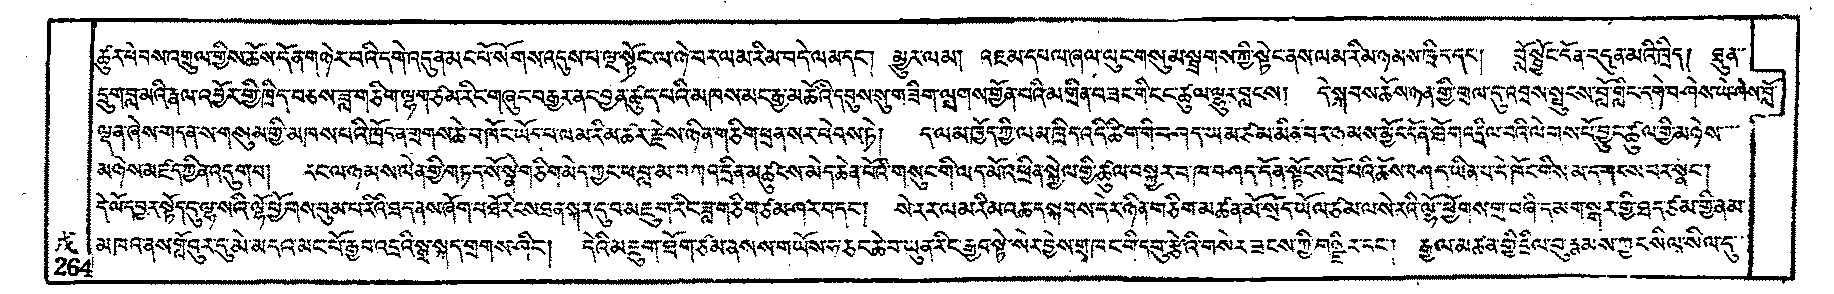ཚུར་ཕེབས་འགྲུལ་གྱིས་ཆོས་དོན་གཉེར་བའི་དགེ་འདུན་མང་པོ་སོགས་འདུས་པ་ལྔ་སྟོང་ལ་ཉེ་བར་ལམ་རིམ་བདེ་ལམ་དང་། མྱུར་ལམ། འཇམ་དཔལ་ཞལ་ལུང་གསུམ་སྦྲགས་ཀྱི་སྟེང་ནས་ལམ་རིམ་ཉམས་ཁྲིད་དང་། བློ་སྦྱོང་དོན་བདུན་མའི་ཁྲིད། ཐུན་
དྲུག་བླ་མའི་རྣལ་འབྱོར་གྱི་ཁྲིད་བཅས་ཟླ་གཅིག་ལྷག་ཙམ་རིང་གཞུང་བརྒྱར་ནང་བྱན་ཚུད་པའི་མཁས་མང་རྒྱ་མཚོའི་དབུས་སུ་གཟིག་ལྤགས་གྱོན་པའི་མགྲིན་བཟང་གི་ངང་ཚུལ་ལྷུར་བླངས། དེ་སྐབས་ཆོས་ཉན་གྱི་གྲལ་དུ་འབྲས་སྤུངས་བློ་གླིང་དགེ་བཤེས་ཡེ་ཤེས་བློ་
ལྡན་ཞེས་གདན་ས་གསུམ་གྱི་མཁས་པའི་ཁྲོད་ན་གྲགས་ཆེ་བ་ཁོང་ཡོད་པ་ལམ་རིམ་ཚར་རྗེས་ཉིན་གཅིག་ཕྲན་སར་ཕེབས་ཏེ། ད་ལམ་ཁྱོད་ཀྱི་ལམ་ཁྲིད་འདི་ཚིག་གི་བཤད་ཡམ་ཙམ་མིན་པར་ཉམས་མྱོང་དོན་ཐོག་འདྲིལ་བའི་ལེགས་པོ་བྱུང་ཚུལ་གྱི་མཉེས་
མཉེས་མཛད་ཀྱིན་འདུག་པ། རང་ལ་ཉམས་ལེན་གྱི་གཏད་སོ་སྣེ་གཅིག་མེད་ཀྱང་ཕ་བླ་མ་བཀའ་དྲིན་མཚུངས་མེད་ཆེན་པོའི་གསུང་གི་ལད་མོ་འཕྲིན་སྐྱེལ་གྱི་ཚུལ་བསྐྱར་བ་ཁ་བཤད་དོན་སྟོངས་བྲོ་པའི་ཆོས་བཤད་ཡིན་པ་དེ་ཁོང་གིས་མ་དགངས་པར་སྣང་།
དེ་ལོ་དབྱར་སྟོད་དུ་ལྷ་སའི་ལྷོ་ཕྱོགས་བུམ་པ་རིའི་ཐད་ན་ཞོག་པ་ཐོ་རེངས་ཐན་སྐར་དུ་བ་མཇུག་རིང་ཟླ་གཅིག་ཙམ་ཤར་བ་དང་། སེ་རར་ལམ་རིམ་འཆད་སྐབས་དེར་ཉིན་གཅིག་མཚན་མོ་སྲོད་ཡོལ་ཙམ་ལ་སེ་རའི་ལྷོ་ཕྱོགས་གྲ་བཞི་དམག་སྒར་གྱི་ཐད་ཙམ་གྱི་ནམ་
མཁའ་ནས་གློ་བུར་དུ་མེ་མདའ་མང་པོ་རྒྱབ་འདྲའི་སྒྲ་སྐད་གྲགས་ཤིང་། དེའི་མཇུག་ཐོག་ཙམ་ནས་ས་གཡོས་ཧ་ཅང་ཆེ་བ་ཡུན་རིང་རྒྱབ་སྟེ་སེར་བྱེས་གྲྭ་ཁང་གི་དབུ་རྩེའི་གསེར་ཟངས་ཀྱི་གཉྫིར་དང་། རྒྱལ་མཚན་གྱི་དྲིལ་བུ་རྣམས་ཀྱང་སིལ་སིལ་དུ་